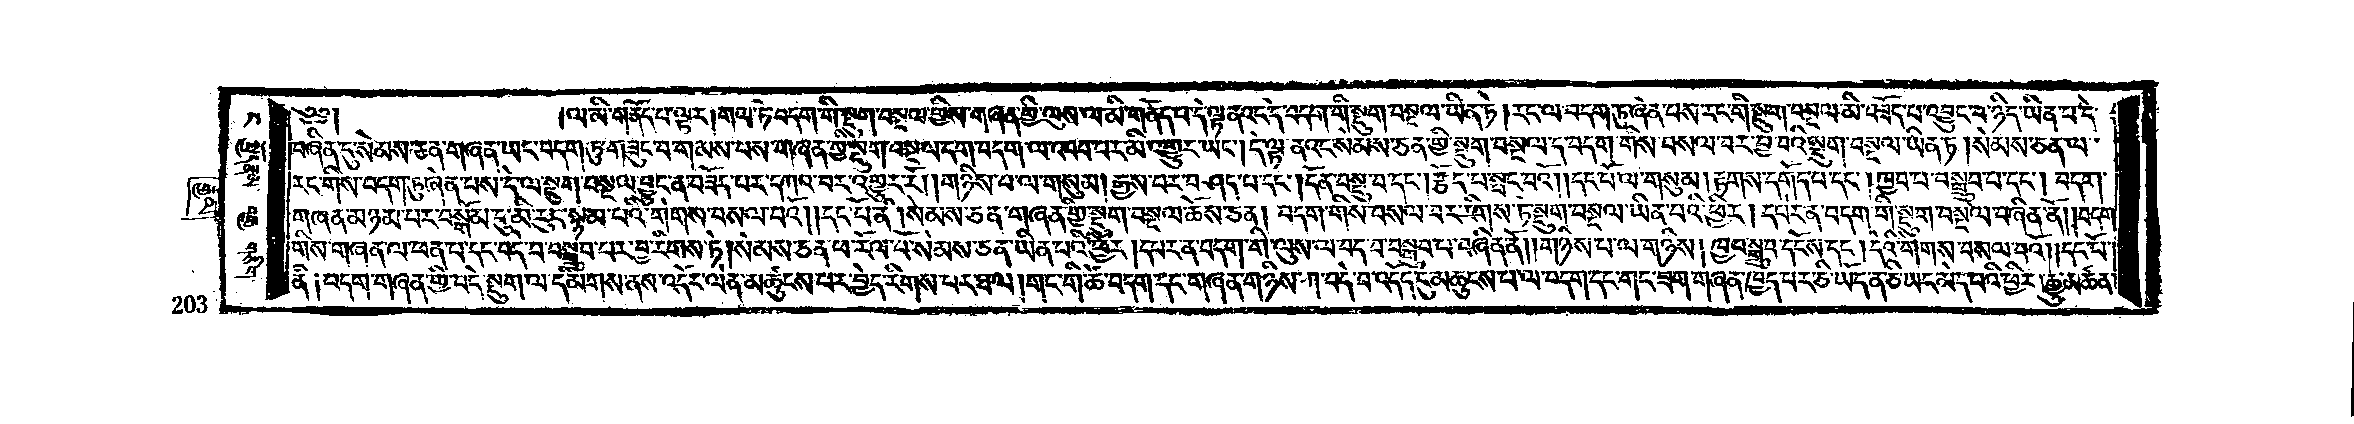༄༅། །ལ་མི་གནོད་པ་ལྟར། གལ་ཏེ་བདག་གི་སྡུག་བསྔལ་གྱིས་གཞན་གྱིས་ལུས་ལ་མི་གནོད་པ་དེ་ལྟ་ནའང་དེ་བདག་གིས་སྡུག་བསྔལ་ཡིན་ཏེ། རང་ལ་བདག་ཏུ་ཞེན་པས་རང་གི་སྡུག་བསྔལ་མི་བཟོད་པ་འབྱུང་བ་ཉིད་ཡིན་པ་དེ་
བཞིན་དུ་སེམས་ཅན་གཞན་ཡང་བདག་ཏུ་གཟུང་བ་གམས་པས་གཞན་གྱིས་སྡུག་བསྔལ་དག་བདག་ལ་འབབ་པར་མི་འགྱུར་ཡང་། དེ་ལྟ་ནའང་སེམས་ཅན་གྱི་སྡུག་བསྔལ་དེ་བདག་གིས་བསལ་བར་བྱ་བའི་སྡུག་བསྔལ་ཡིན་ཏེ། སེམས་ཅན་ལ་
རང་གིས་བདག་ཏུ་ཞེན་པས་དེ་ལ་སྡུག་བསྔལ་བྱུང་ན་བཟོད་པར་དཀའ་བར་འགྱུར་རོ། །གཉིས་པ་ལ་གསུམ། རྒྱས་པར་བཤད་པ་དང་། དོན་བསྡུ་བ་དང་། རྩོད་པ་སྤང་བའོ། །དང་པོ་ལ་གསུམ། རྟག་དགོད་པ་དང་། ཁྱབ་པ་བསྒྲུབ་པ་དང་། བདག་
གཞན་མཉམ་པར་བསྒོམ་དུ་མི་རུང་སྙམ་པའི་གེགས་བསལ་བའོ། །དང་པོ་ནི། སེམས་ཅན་གཞན་གྱི་སྡུག་བསྔལ་ཆོས་ཅན། བདག་གིས་བསལ་བར་རིགས་ཏེ་སྡུག་བསྔལ་ཡིན་པའི་ཕྱིར། དཔེར་ན་བདག་གིས་སྡུག་བསྔལ་བཞིན་ནོ། །བདག་
གིས་གཞན་ལ་ཕན་པ་དང་བདེ་བ་བསྒྲུབ་པར་བྱ་རིགས་ཏེ། སེམས་ཅན་ཕ་རོལ་པོ་སེམས་ཅན་ཡིན་པའི་ཕྱིར། དཔེར་ན་བདག་གི་ལུས་ལ་བདེ་བ་བསྒྲུབ་པ་བཞིན་ནོ། །གཉིས་པ་ལ་གཉིས། ཁྱབ་སྒྲུབ་དངོས་དང་། དེའི་གེགས་བསལ་བའོ། །དང་པོ་
ནི༑ བདག་གཞན་གྱི་བདེ་སྡུག་ལ་དམིགས་ནས་འདོར་ལེན་མཚུངས་པར་བྱེད་རིགས་པར་ཐལ། གང་གི་ཚེ་བདག་དང་གཞན་གཉིས་ཀ་བདེ་བ་འདོད་དུ་མཚུངས་པ་ལ་བདག་དང་གང་ཟག་གཞན་ཁྱད་པར་ཅི་ཡོད་ན་ཅི་ཡང་མེད་པའི་ཕྱིར། རྒྱུ་མཚན་